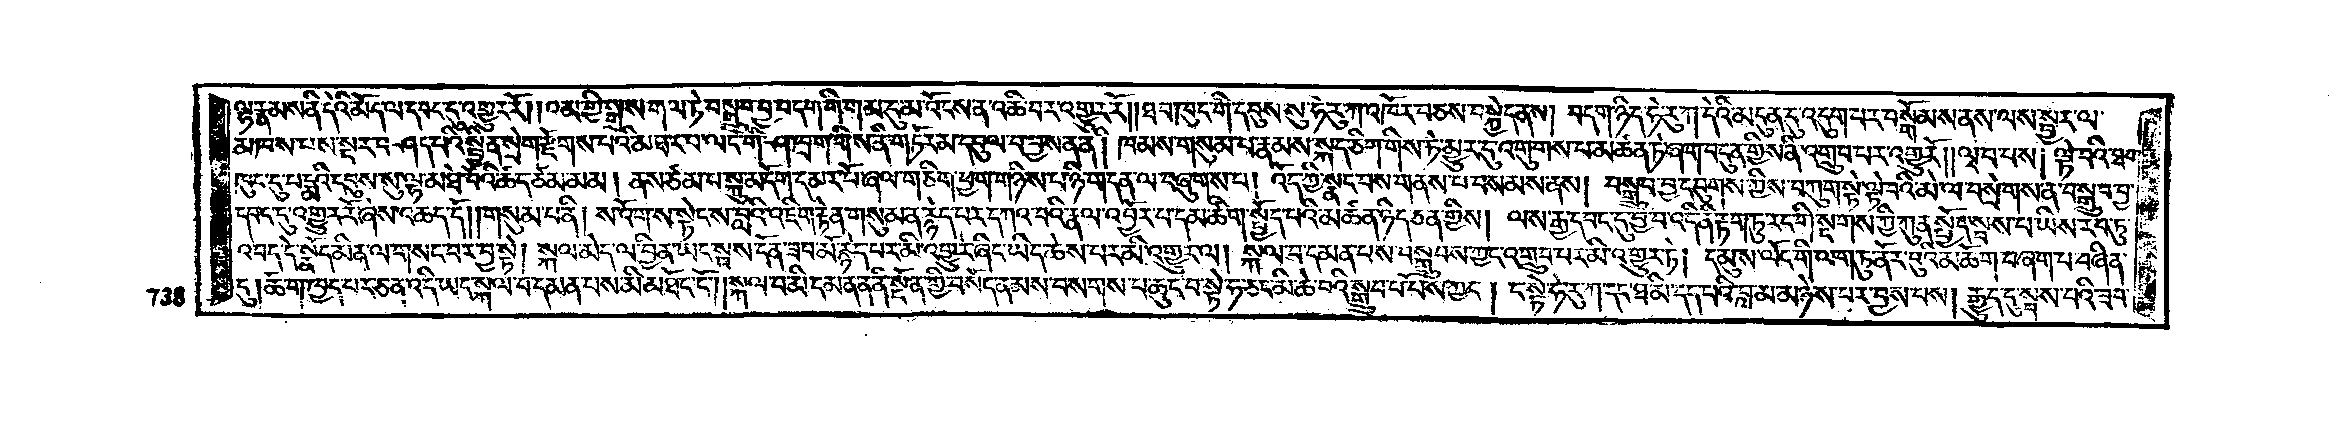ལྷ་རྣམས་ནི་དེའི་མོད་ལ་དབང་དུ་འགྱུར་རོ། །འམ་གྱི་སྒྲས་གལ་ཏེ་བསྒྲུབ་བྱ་བདག་གི་གམ་དུ་མ་འོངས་ན་འཆི་བར་འགྱུར་རོ། །ཐབ་ཁུང་གི་དབུས་སུ་ཧེ་རུ་ཀ་འཁོར་བཅས་བསྐྱེད་ནས། བདག་ཉིད་ཧེ་རུ་ཀ་དེའི་མདུན་དུ་འདུག་པར་བསྒོམས་ནས་ལས་སྦྱར་ལ་
མཁས་པས་སྔར་བཤད་པའི་སྦྱིན་སྲེག་རྫོགས་པའི་མཐར་བ་ལང་གི་ཤ་ཁྲག་གིས་ནི་གཏོར་མ་དབུལ་བ་བྱས་ན་ནི། ཁམས་གསུམ་པ་རྣམས་སྐད་ཅིག་གིས་ཏེ་མྱུར་དུ་འགུགས་པ་མཚན་ཏེ་ཞག་བདུན་གྱིས་ནི་འགྲུབ་པར་འགྱུར་རོ། །ལྭ་བ་པས། ལྟེ་བའི་ཐག་
ཁུང་དུ་པདམའི་དབུས་སུ་ལྷ་མཐེ་བོའི་ཚད་ཙམ་མམ། ནས་ཙམ་པ་སྐུ་མདོག་དམར་པོ་ཞལ་གཅིག་ཕྱག་གཉིས་པ་ཉི་གདན་ལ་བཞུགས་པ། འོད་ཀྱི་སྣང་བས་གནས་པ་བསམས་ནས། བསྒྲུབ་བྱ་དབུགས་ཀྱིས་བཀུག་སྟེ་ལྟེ་བའི་མེ་ལ་བསྲེགས་ན་བསྒྲུབ་བྱ་
དབང་དུ་འགྱུར་རོ་ཞེས་འཆད་དོ། །གསུམ་པ་ནི། ས་འོག་ས་སྟེང་ས་བླའི་འཇིག་རྟེན་གསུམ་ན་རྙེད་པར་དཀའ་བའི་རྣལ་འབྱོར་པ་དམ་ཚིག་སྤྱོད་པའི་མཚན་ཉིད་ཅན་གྱིས། ལས་རྒྱ་དབང་དུ་བྱ་བ་འདི་ནི་རྟག་ཏུ་རང་གི་སྔགས་ཀྱི་ཀུན་སྤྱོད་སྦས་པ་ཡིས་རབ་ཏུ་
འབད་དེ་སྣོད་མིན་ལ་གསང་བར་བྱ་སྟེ། སྐལ་མེད་ལ་བྱིན་ཡང་སྦས་དོན་ཟབ་མོ་རྙེད་པར་མི་འགྱུར་ཞིང་ཡིད་ཆེས་པར་མི་འགྱུར་ལ། སྐལ་བ་དམན་པས་བསྒྲུབས་ཀྱང་འགྲུབ་པར་མི་འགྱུར་ཏེ། དམུས་ལོང་གི་ལག་ཏུ་ནོར་བུའི་མཆོག་བཞག་པ་བཞིན་
དུ། ཆོ་ག་ཁྱད་པར་ཅན་འདི་ཡང་སྐལ་བ་དམན་པས་མི་མཐོང་ངོ། །སྐལ་བ་མི་དམན་ན་ནི་སྔོན་གྱི་བསོད་ནམས་བསགས་པ་ཆུང་བ་སྟེ་ཧ་ཅང་མི་ཆེ་བའི་སྒྲུབ་པ་པོས་ཀྱང་། ང་སྟེ་ཧེ་རུ་ཀ་དང་ཐ་མི་དད་པའི་བླ་མ་མཉེས་པར་བྱས་པས། རྒྱུད་དུ་སྦས་པའི་ཟབ་